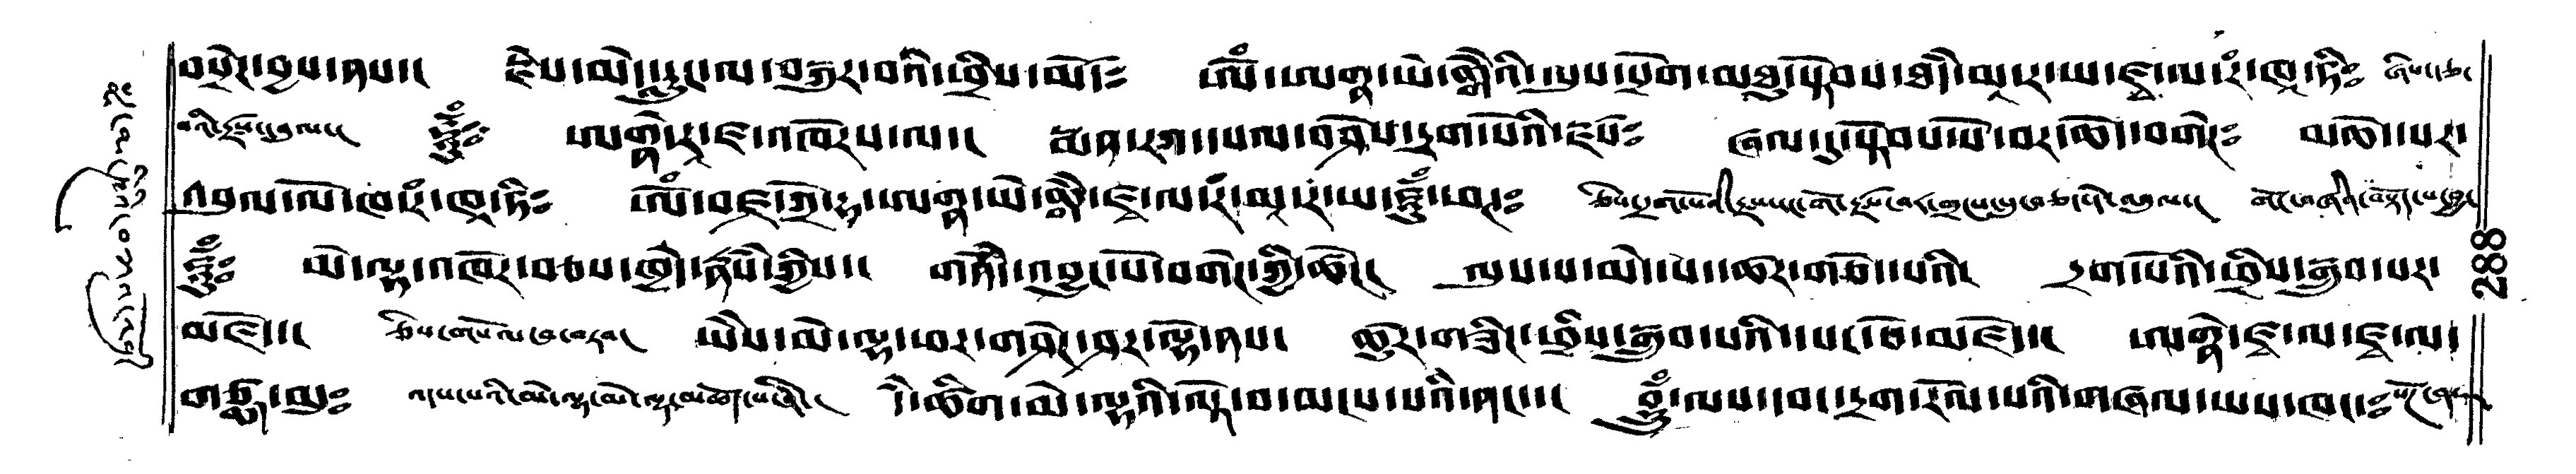བསྲེགས་བྱས་ནས༔ རྗེས་མེད་རླུང་ལ་བསྐུར་བའི་ཕྲིན་ལས་མཛོད༔ ཨོཾ་ཨགྣེ་ཡེ་ཆེ་གེ་མོའི་ལུས་སྲོག་མཐུ་སྟོབས་ཐམས་ཅད་མཱ་ར་ཡ་ཛྭ་ལ་རཾ་ཁཱ་ཧིཿ ཞེས་རྩ་
བའི་རྫས་དབུལ། ཧཱུྃ༔ ཨགྣེ་རཱ་ཛ་འཁོར་བཅས་ལ༔ སྨན་རཀ་དཔལ་བཤོས་དྲག་པོའི་རྫས༔ ཞལ་དུ་སྟོབས་སོ་བར་ཆོད་བགེགས༔ མཆོད་པར་
འབུལ་ལོ་ཁ་རཾ་ཁཱ་ཧིཿ ཨོཾ་བཛྲ་ཀྲོ་དྷ་ཨགྣེ་ཡེ་ཆེ་གེ་ཛྭ་ལ་རཾ་མཱ་ར་ཡ་ཧཱུྃ་ཕཊ༔ ཅེས་དྲག་པོའི་རྫས་དང་གོ་རྫས་བར་གྲངས་སུ་བཅད་དེ་འབུལ། གོང་བཞིན་བསྟོད་པ་བྱ། 
ཧཱུྂ༔ མེ་ལྷ་འཁོར་བཅས་ཁྱེད་རྣམས་ཀྱིས༔ གནོད་བྱེད་འབྱུང་པོ་བགེགས་ཀྱི་ཚོགས༔ ལུས་པ་མེད་པ་ཚར་གཅོད་པའི༔ དྲག་པོའི་ཕྲིན་ལས་སྒྲུབ་པར་
མཛོད༔ ཅེས་གསོལ་བ་བཏབ། ཡེ་ཤེས་མེ་ལྷ་ཕར་གཤེགས་ཤར་ལྷོ་ནས༔ ཚུར་གཟིགས་ཕྲིན་ལས་སྒྲུབ་པའི་དཔང་པོ་མཛོད༔ ཨགྣེ་ཛྭ་ལ་
གཙྪ་མུཿ འདས་པའི་མེ་ལྷ་མཆོད་པ་ནི། དམ་ཚིག་མེ་ལྷའི་ལྟོ་བ་ཡངས་པའི་ནང་༔ བྷྲུྃ་ལས་དབང་དྲག་རོལ་པའི་གཞལ་ཡས་ཁངཿ སོགས་ནས་